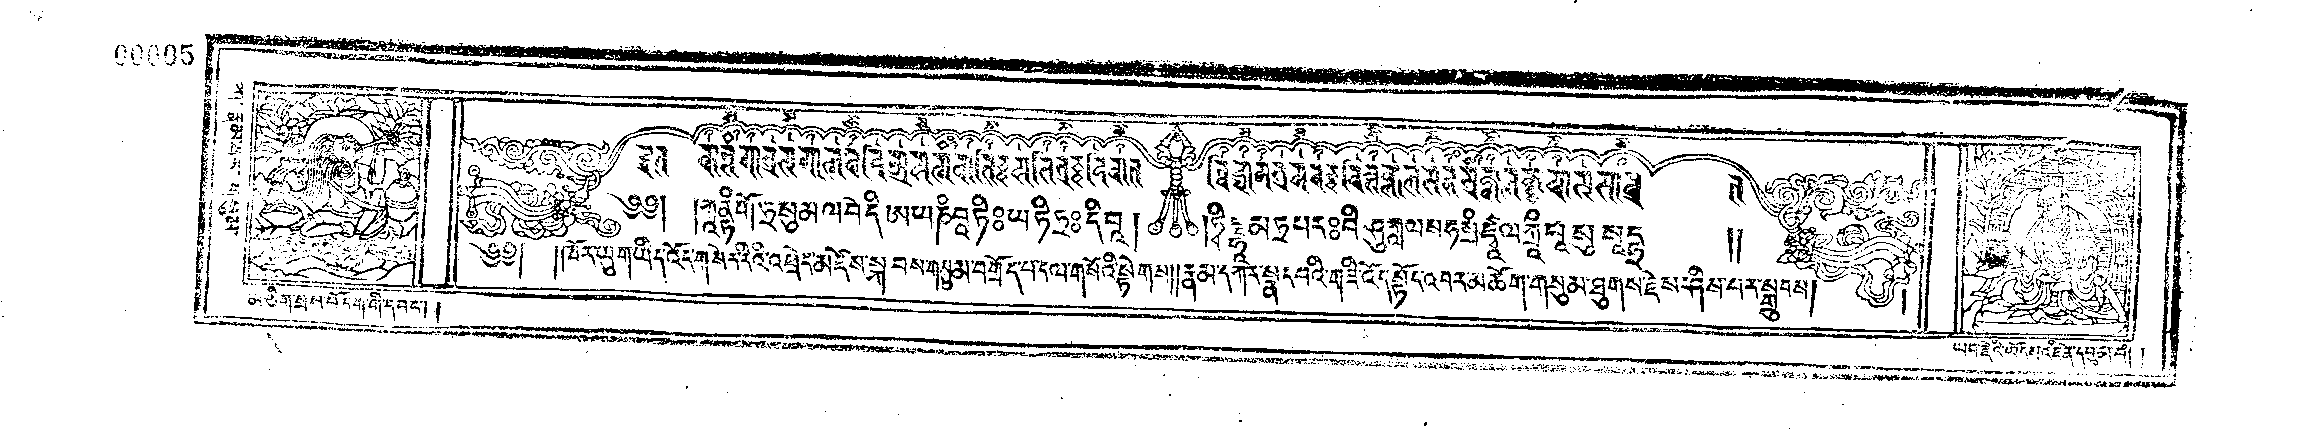༄༅། །ཀཱནྟཾ་གོ་ཏྲ་སུམ་ལ་བེ་དི་ཨ་ཡ་ཎཾ་བཱ་ཏིཿ ཡ་ཏི་ཏྲཿ དི་བཱ། །ཏྭི་ཌྡྷཱ་མ་ཏྲ་པརཿ བི་ཤུ་ཀླ་ཡས་ཧ་སྲཾ་ཛྭཱ་ལ་ཀྲཱྀ་པཱ་སུ་སཱདྷྭ་།།
༄༅། །ཁོར་ཡུག་ཡིད་འོང་གསེར་རིའི་འཕྲེང་མཛེས་སྐབས་གསུམ་བགྲོད་པ་ངལ་གསོའི་སྟེགས། །རྣམ་དཀར་སྣང་བའི་གཟི་འོད་སྟོང་འབར་མཆོག་གསུམ་ཐུགས་རྗེས་ཤིས་བར་སྒྲུབས། །